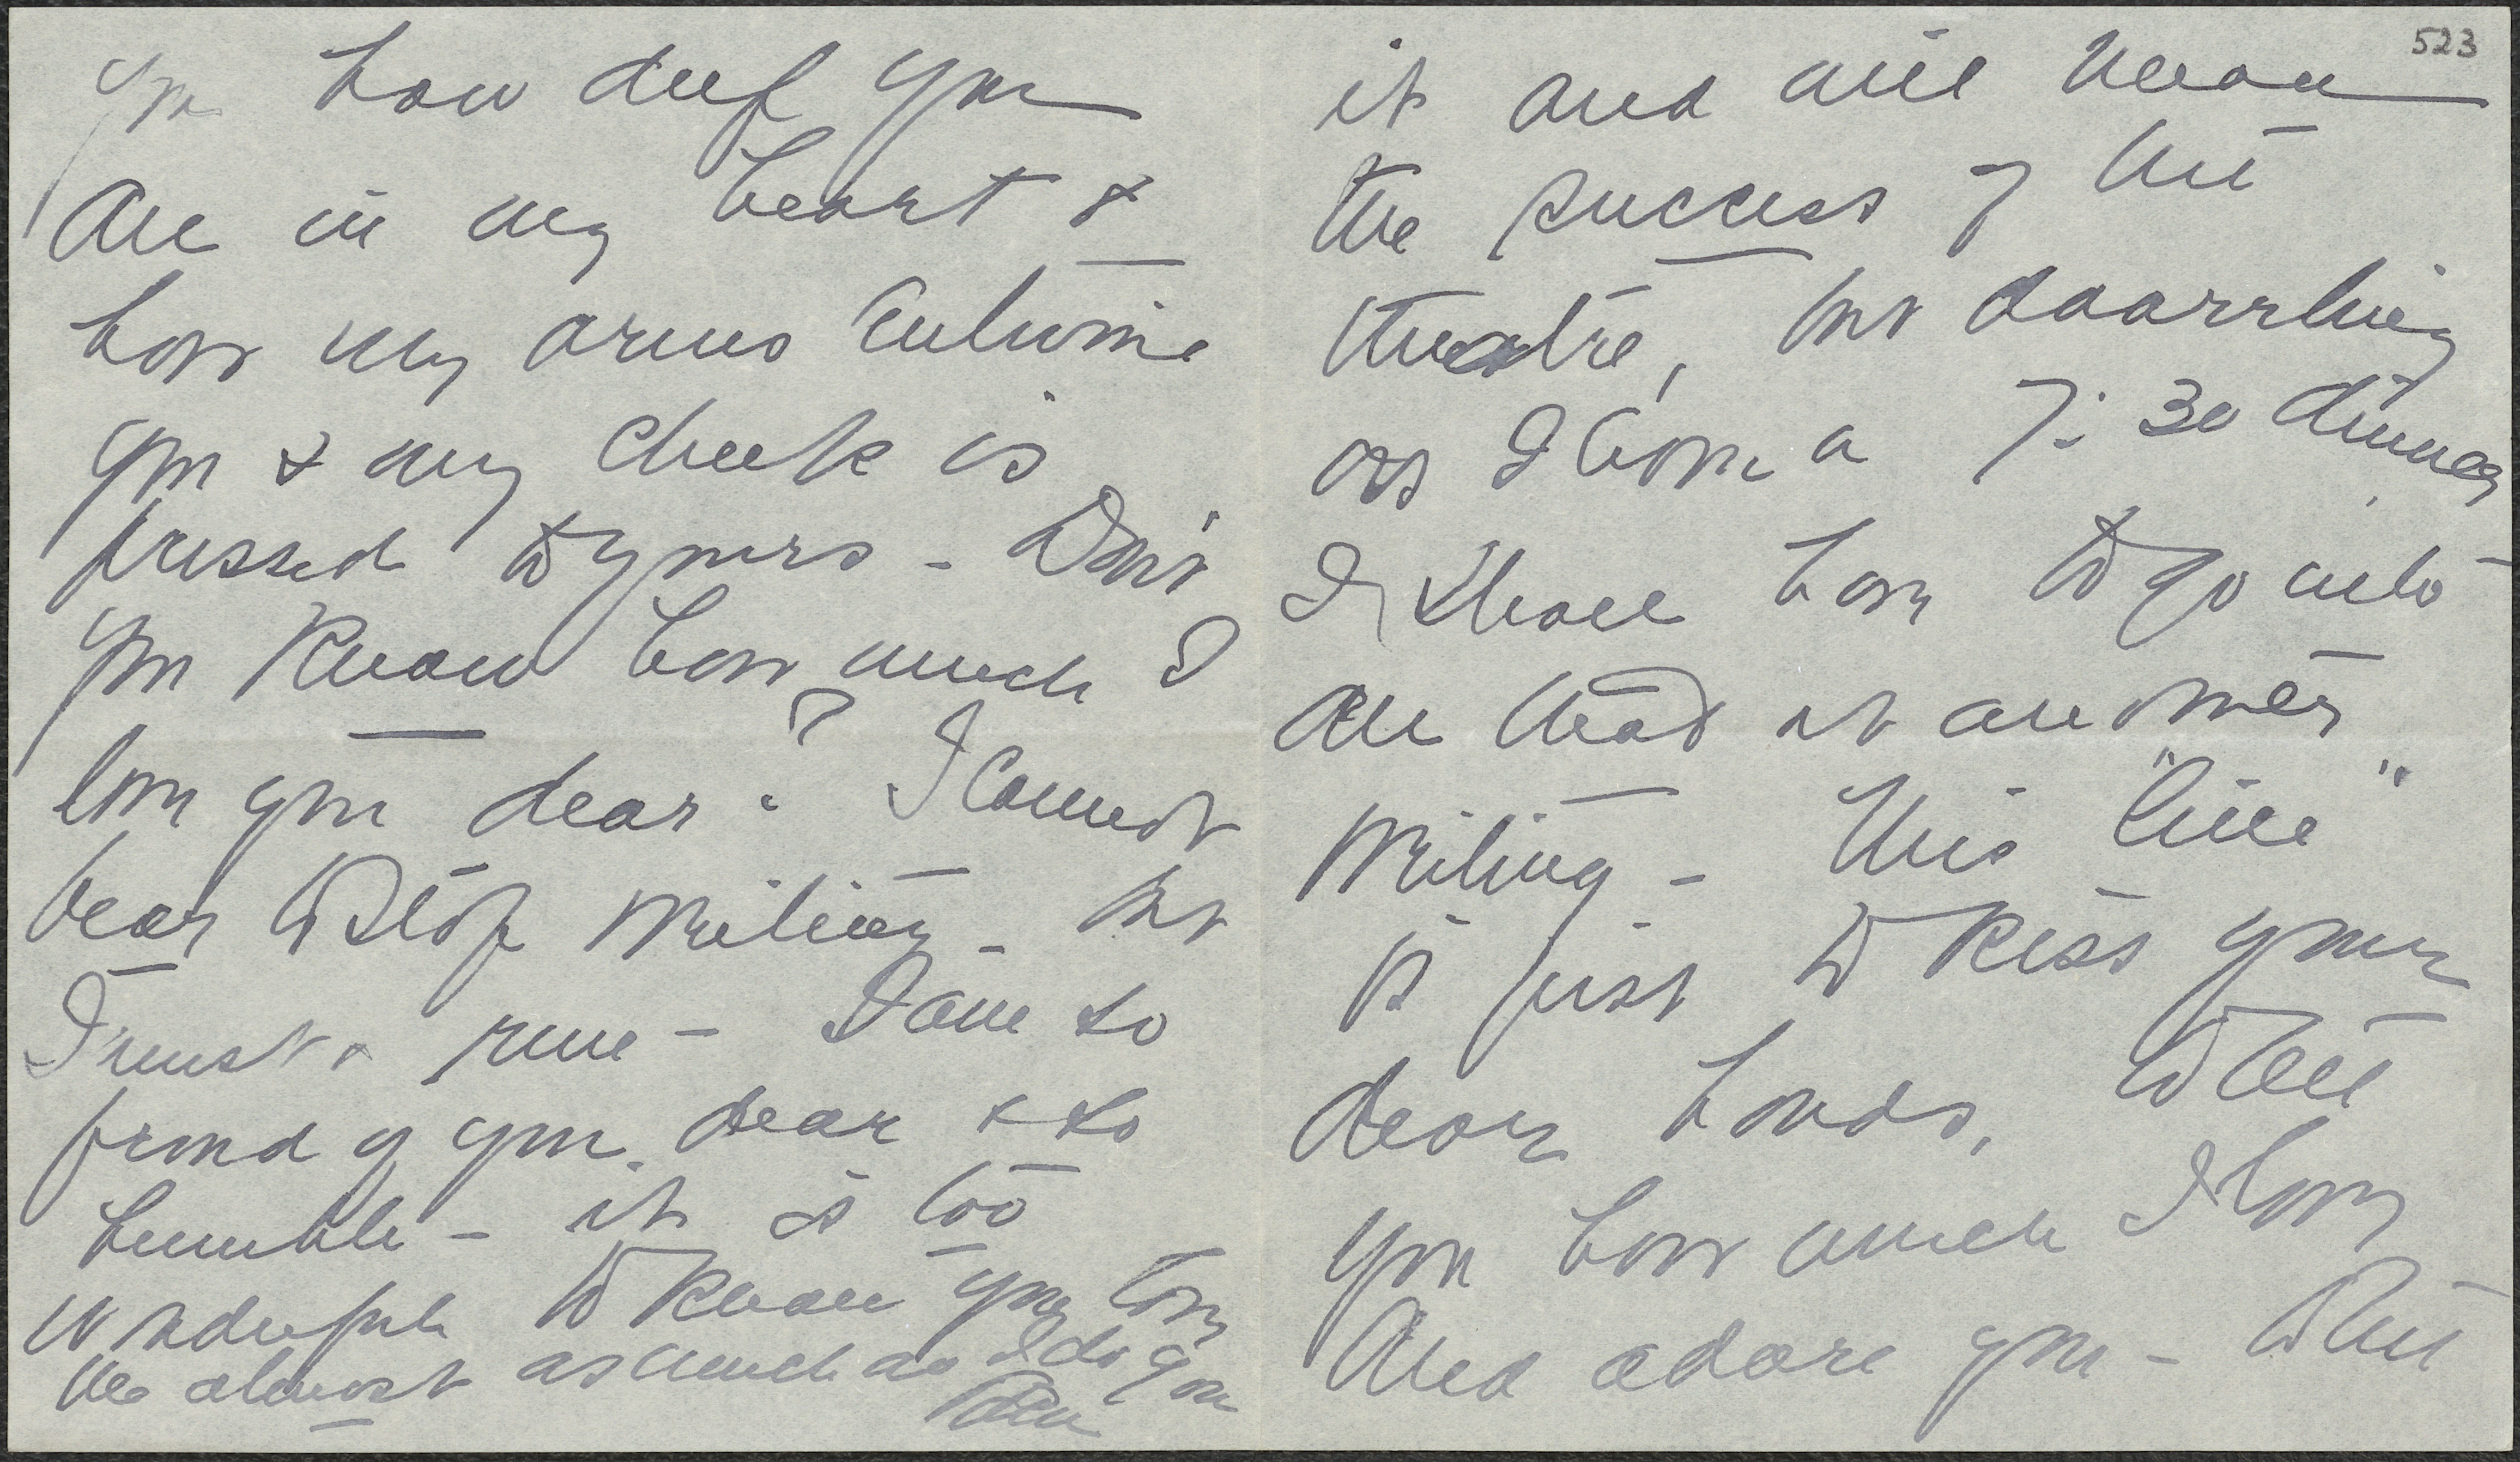it and will mean the success of the theatre, but daarrling as I have a 7:30 dinner I shall have to go into all that at another writing – This “line” is just to kiss your dear hands, to tell you how much I love and adore you – to tell
you how deep you are in my heart & how my arms entwine you & my cheek is pressed to yours – Don’t you know how much I love you dear? I cannot bear to stop writing – but I must & run – I am so proud of you dear & so humble – it is too wonderful to know you love me almost as much as I do you
Belle